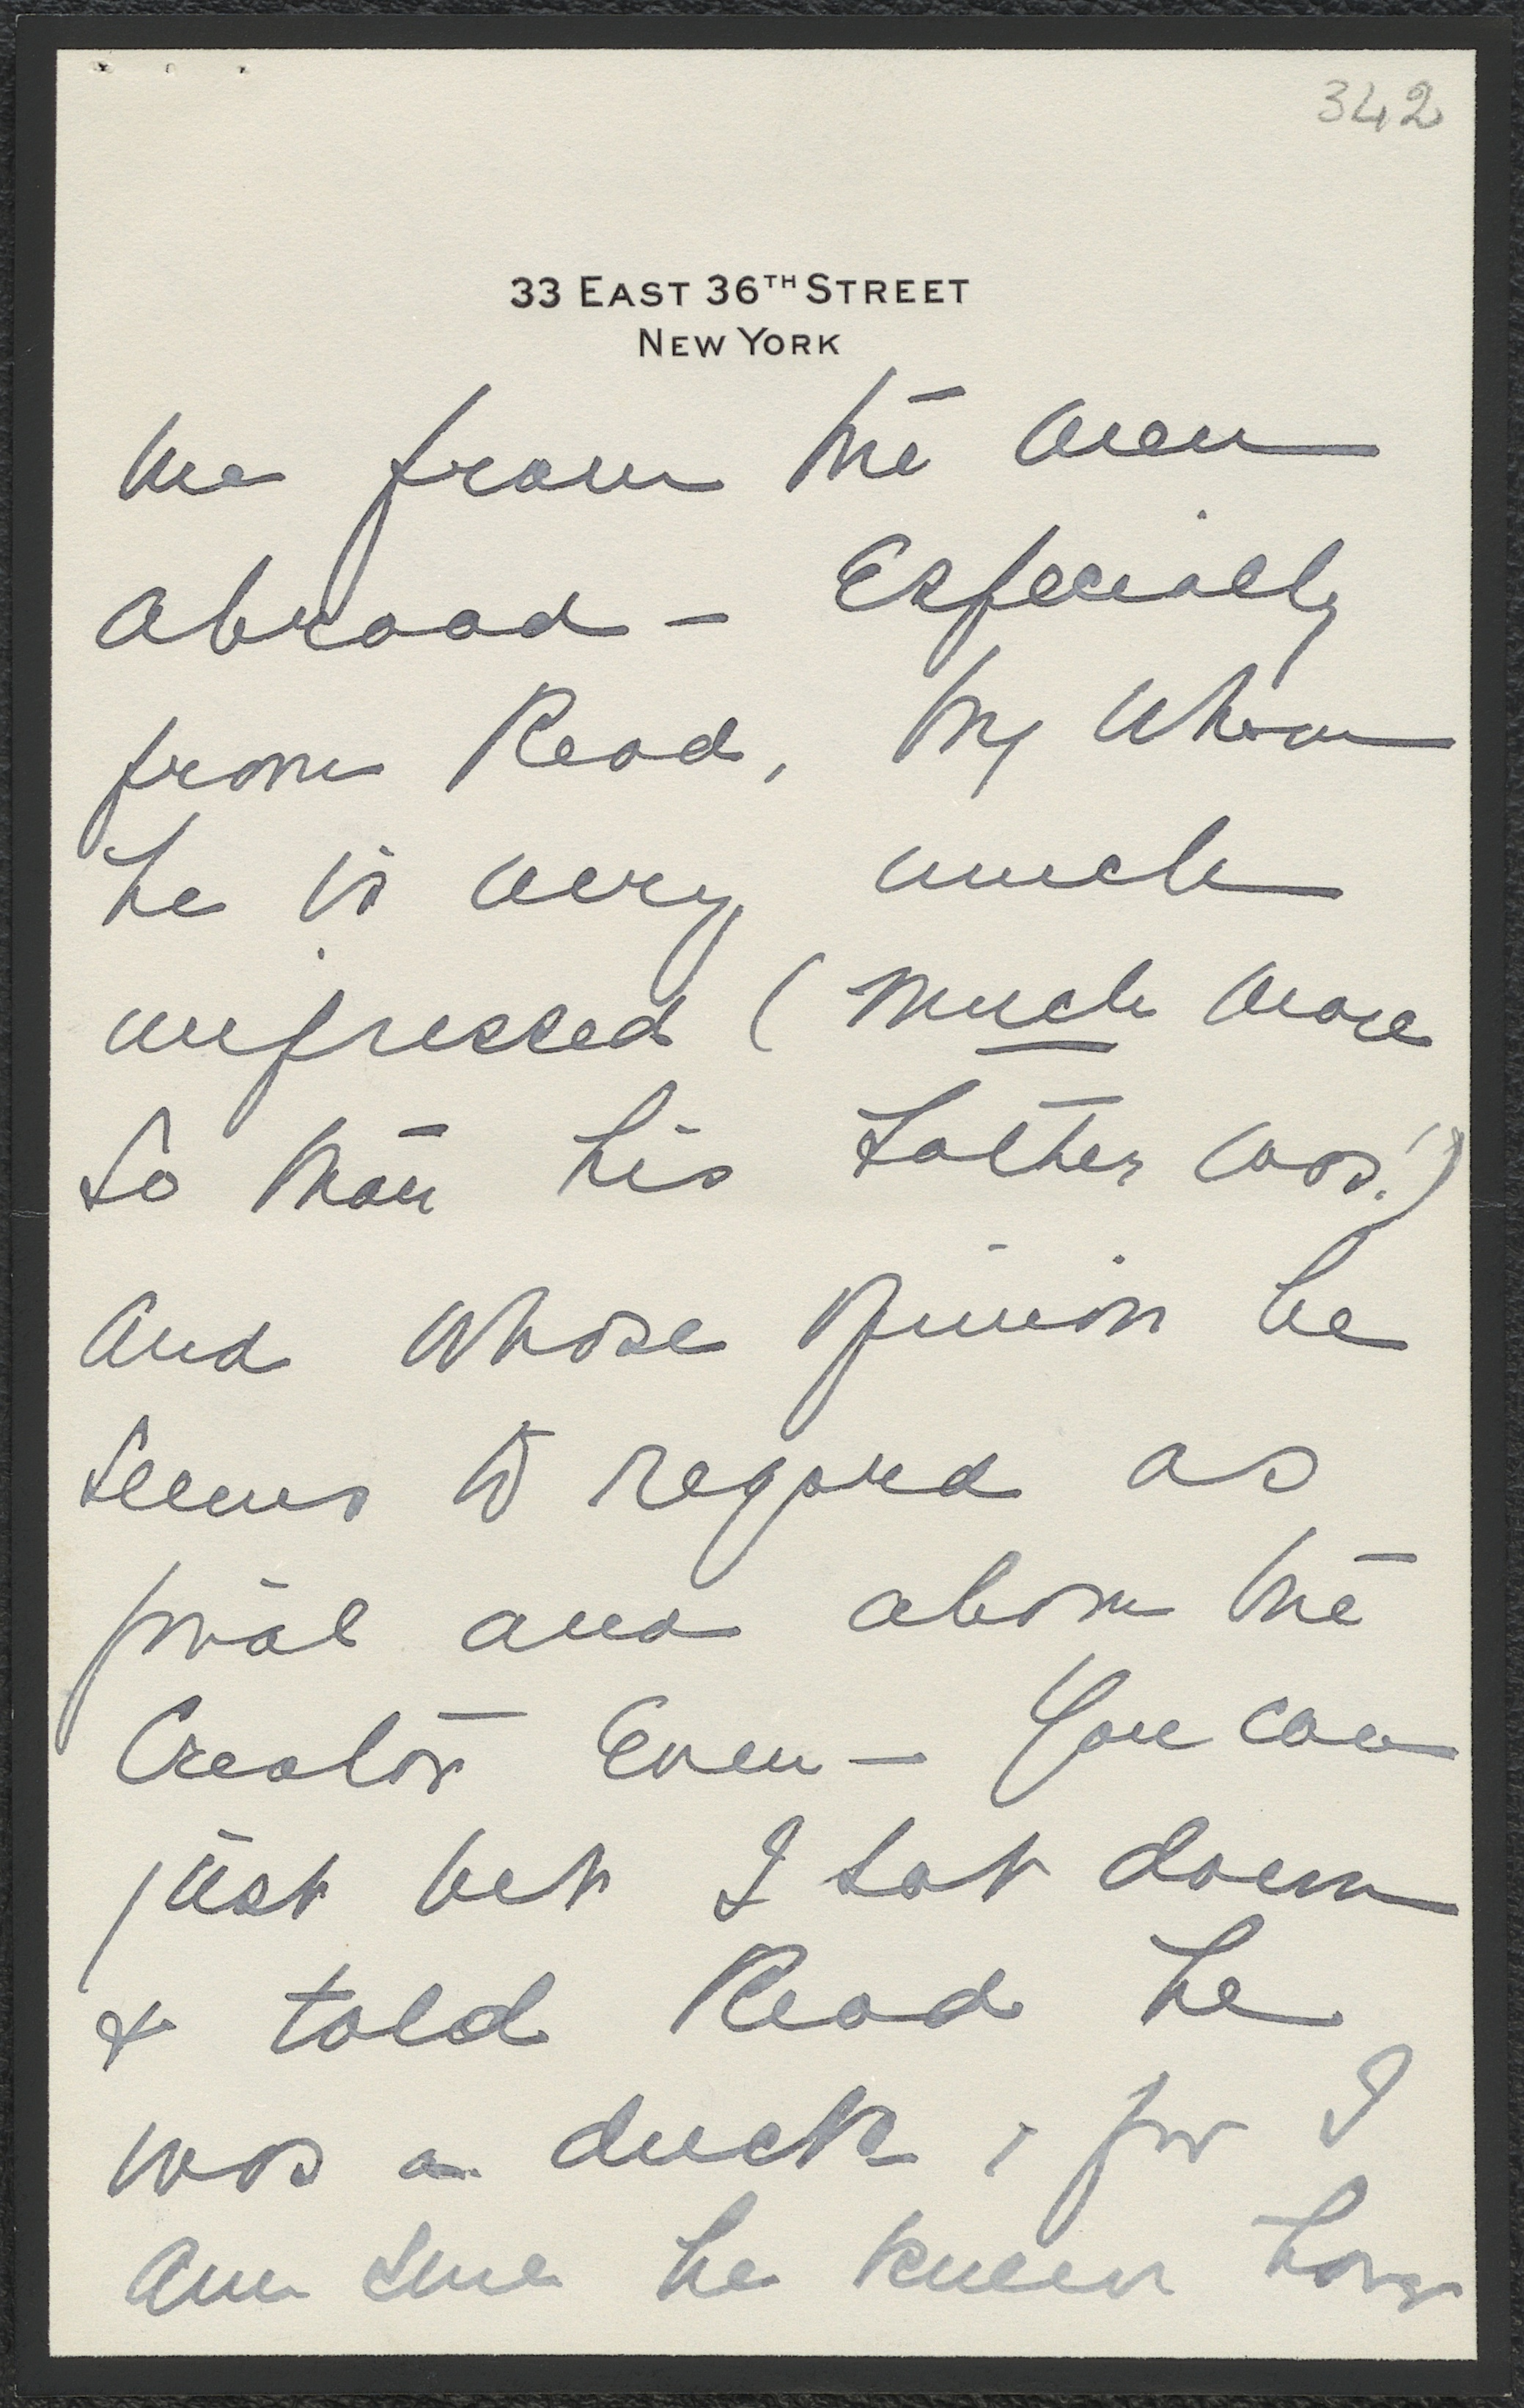me from the men abroad – especially from Read, by whom he is very much impressed (much more so than his Father was!) and whose opinion he seems to regard as final and above the creator even – You can just bet I sat down & told Read he was a duck, for I am sure he knew how